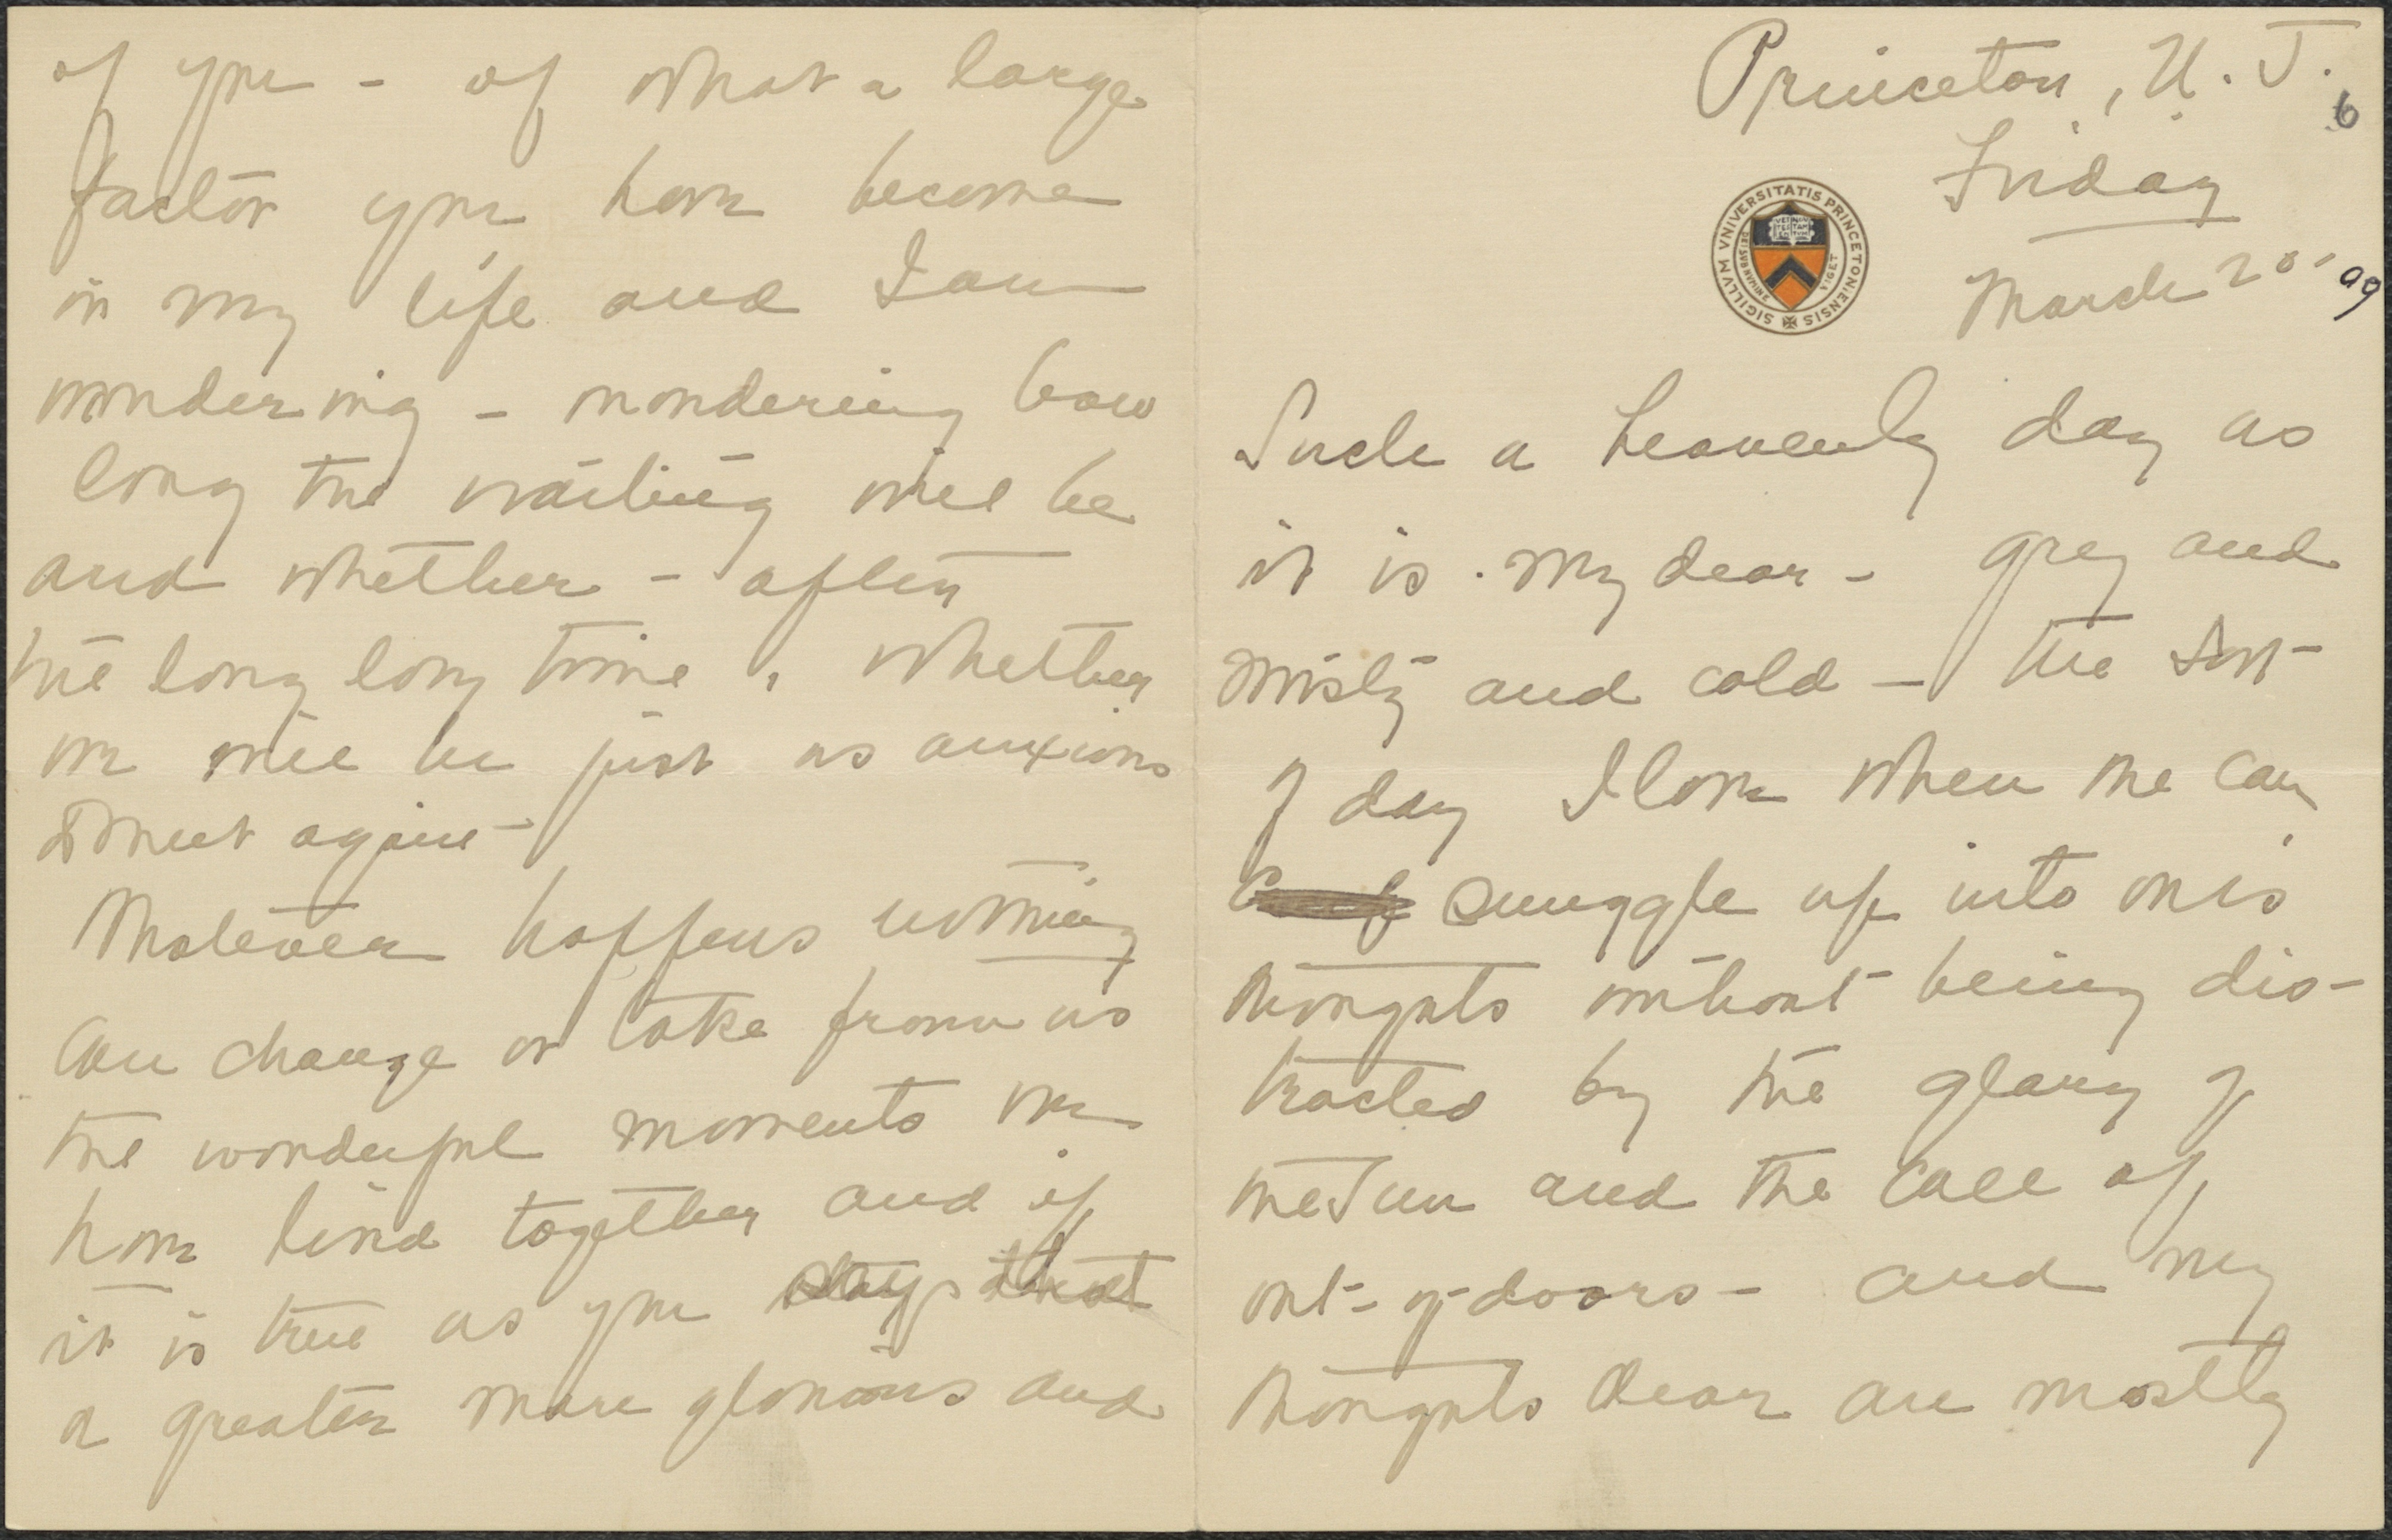Princeton, N. J.
Friday
March 20 –
Such a heavenly day as it is my dear – grey and misty and cold – the sort of day I love when one can [illegible deletion] snuggle up into one’s thoughts without being distracted by the glory of the Sun and the call of out-of-doors – and my thoughts dear are mostly
of you – of what a large factor you have become in my life and I am wondering – wondering how long the waiting will be and whether – after the long long time, whether we will be just as anxious to meet again –
Whatever happens nothing can change or take from us the wonderful moments we have lived together and if it is true as you [written over an illegible deletion: say that] a greater more glorious and